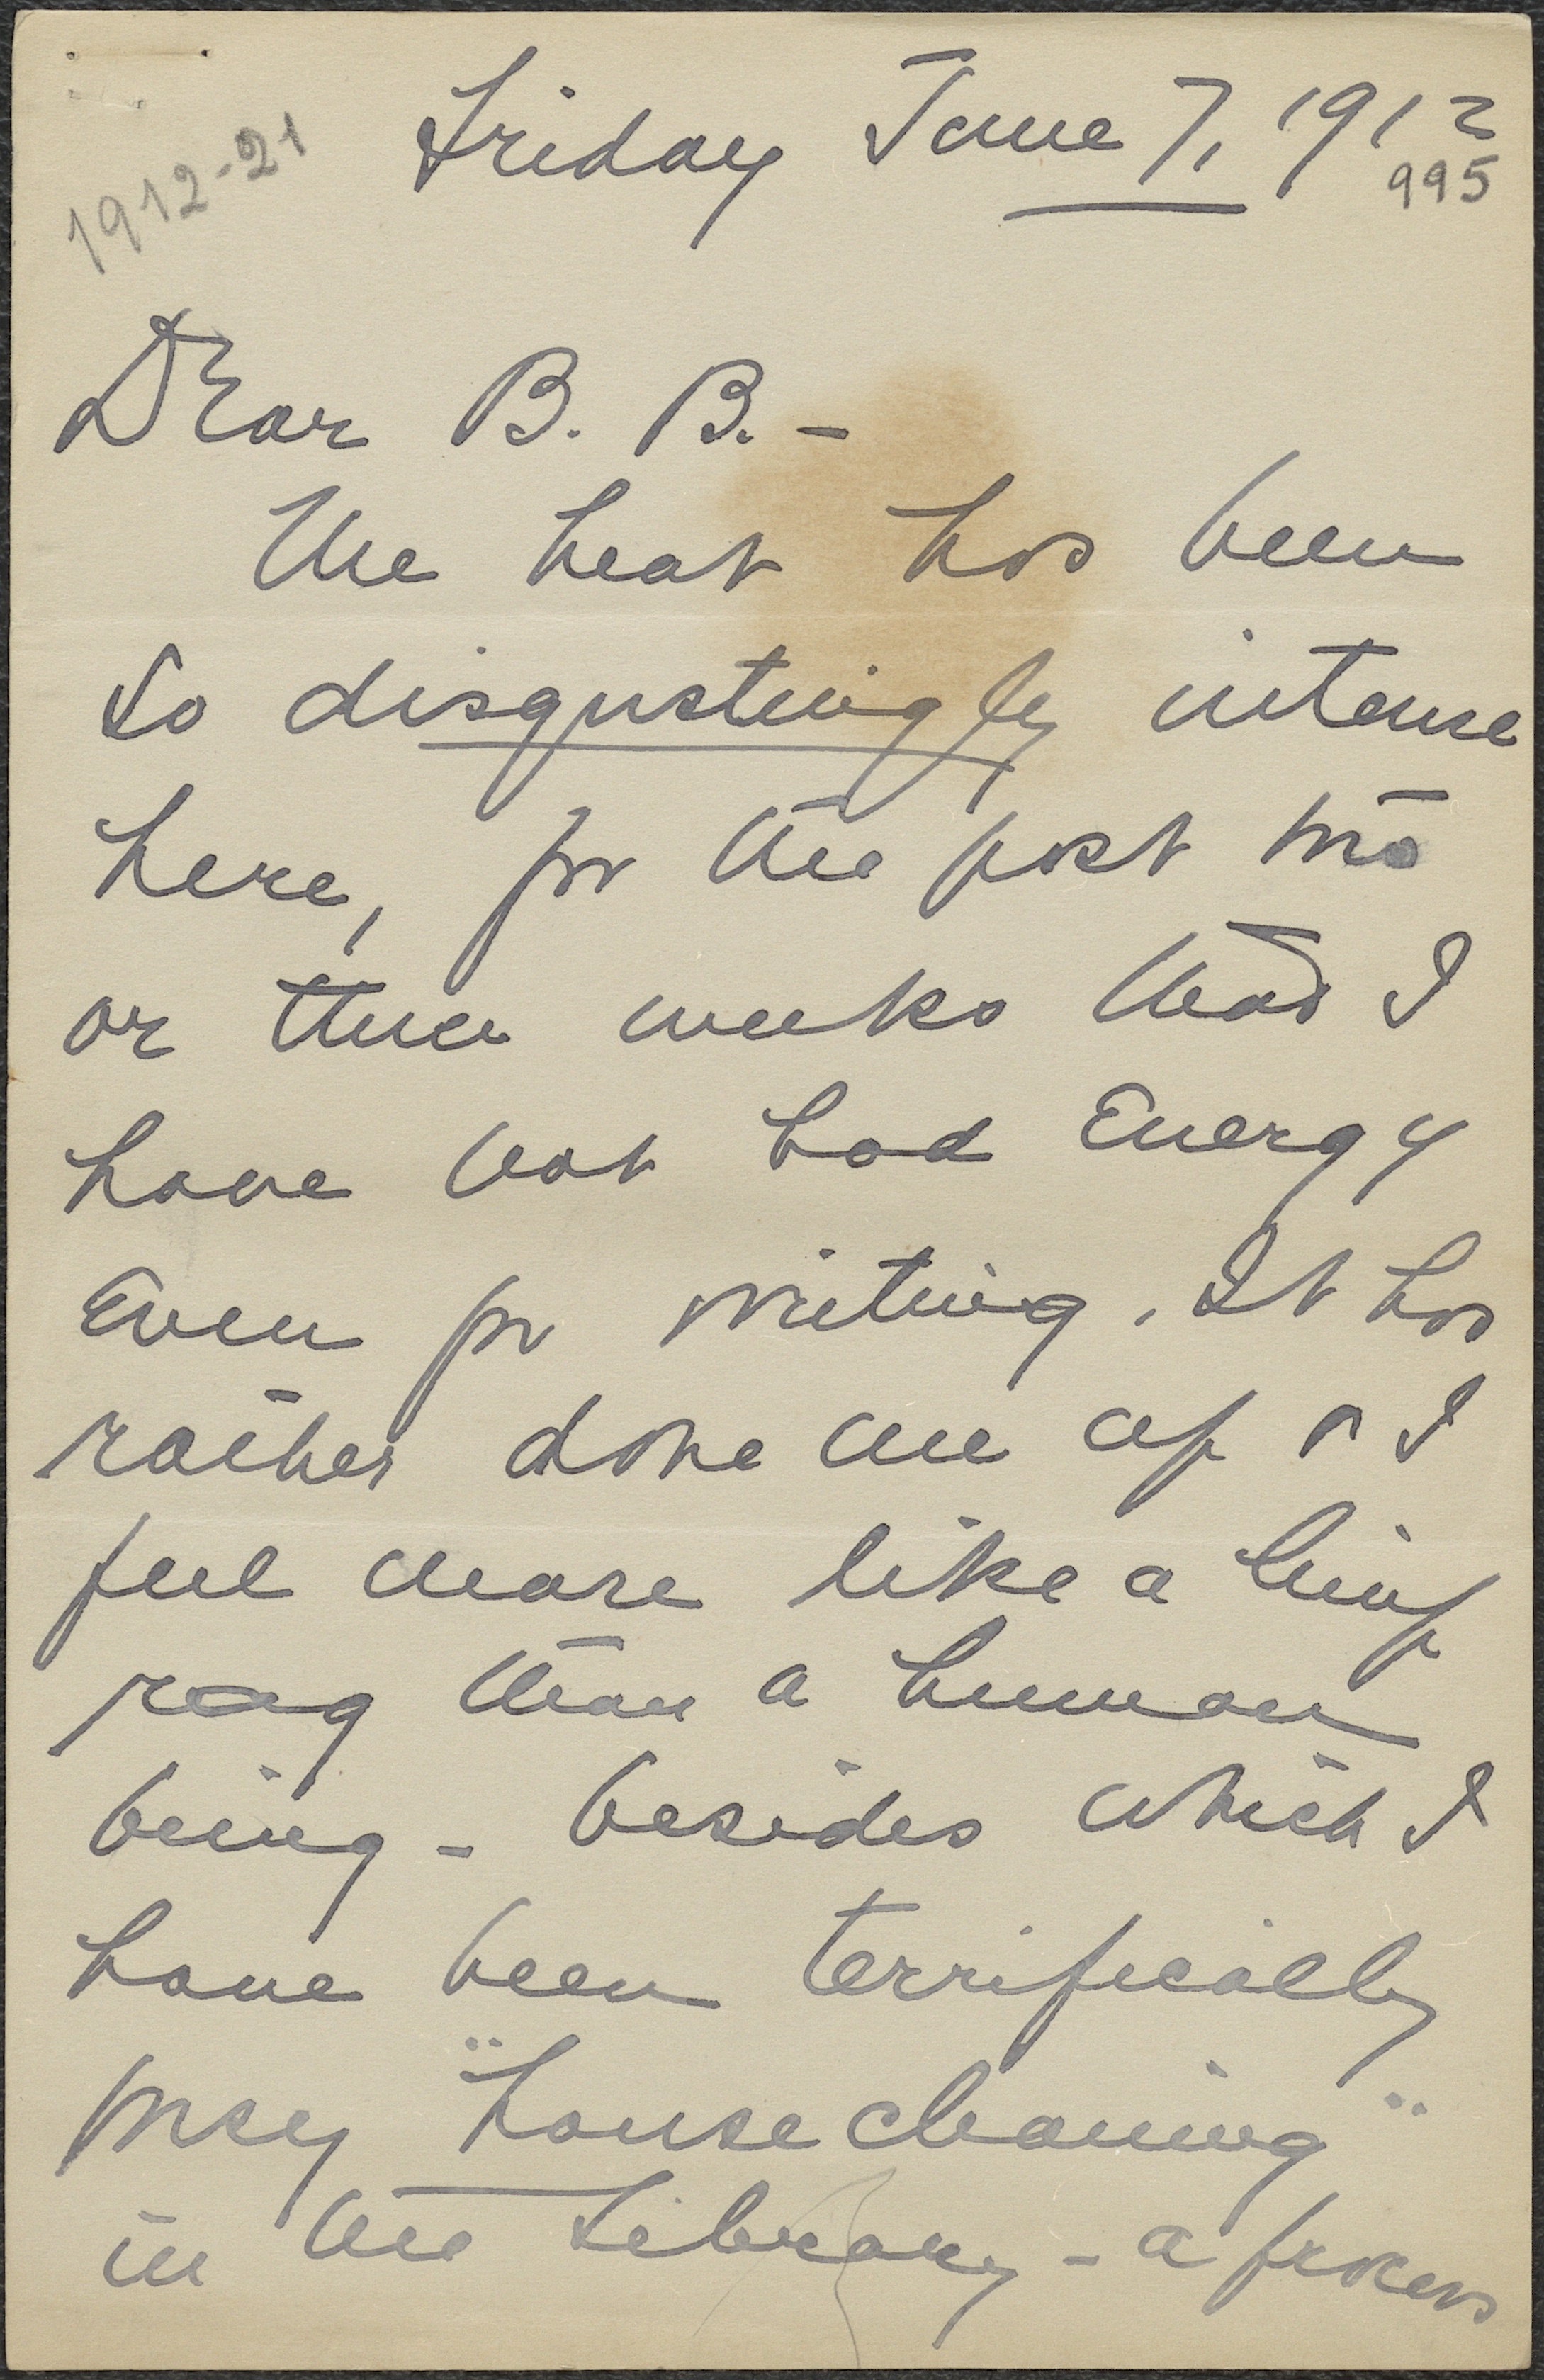Friday June 7, 1912
Dear B. B. –
The heat has been so disgustingly intense here, for the first two or three weeks that I have not had energy even for writing. It has rather done me up & I feel more like a limp rag than a human being – besides which I have been terrifically busy “house cleaning” in the Library – a process